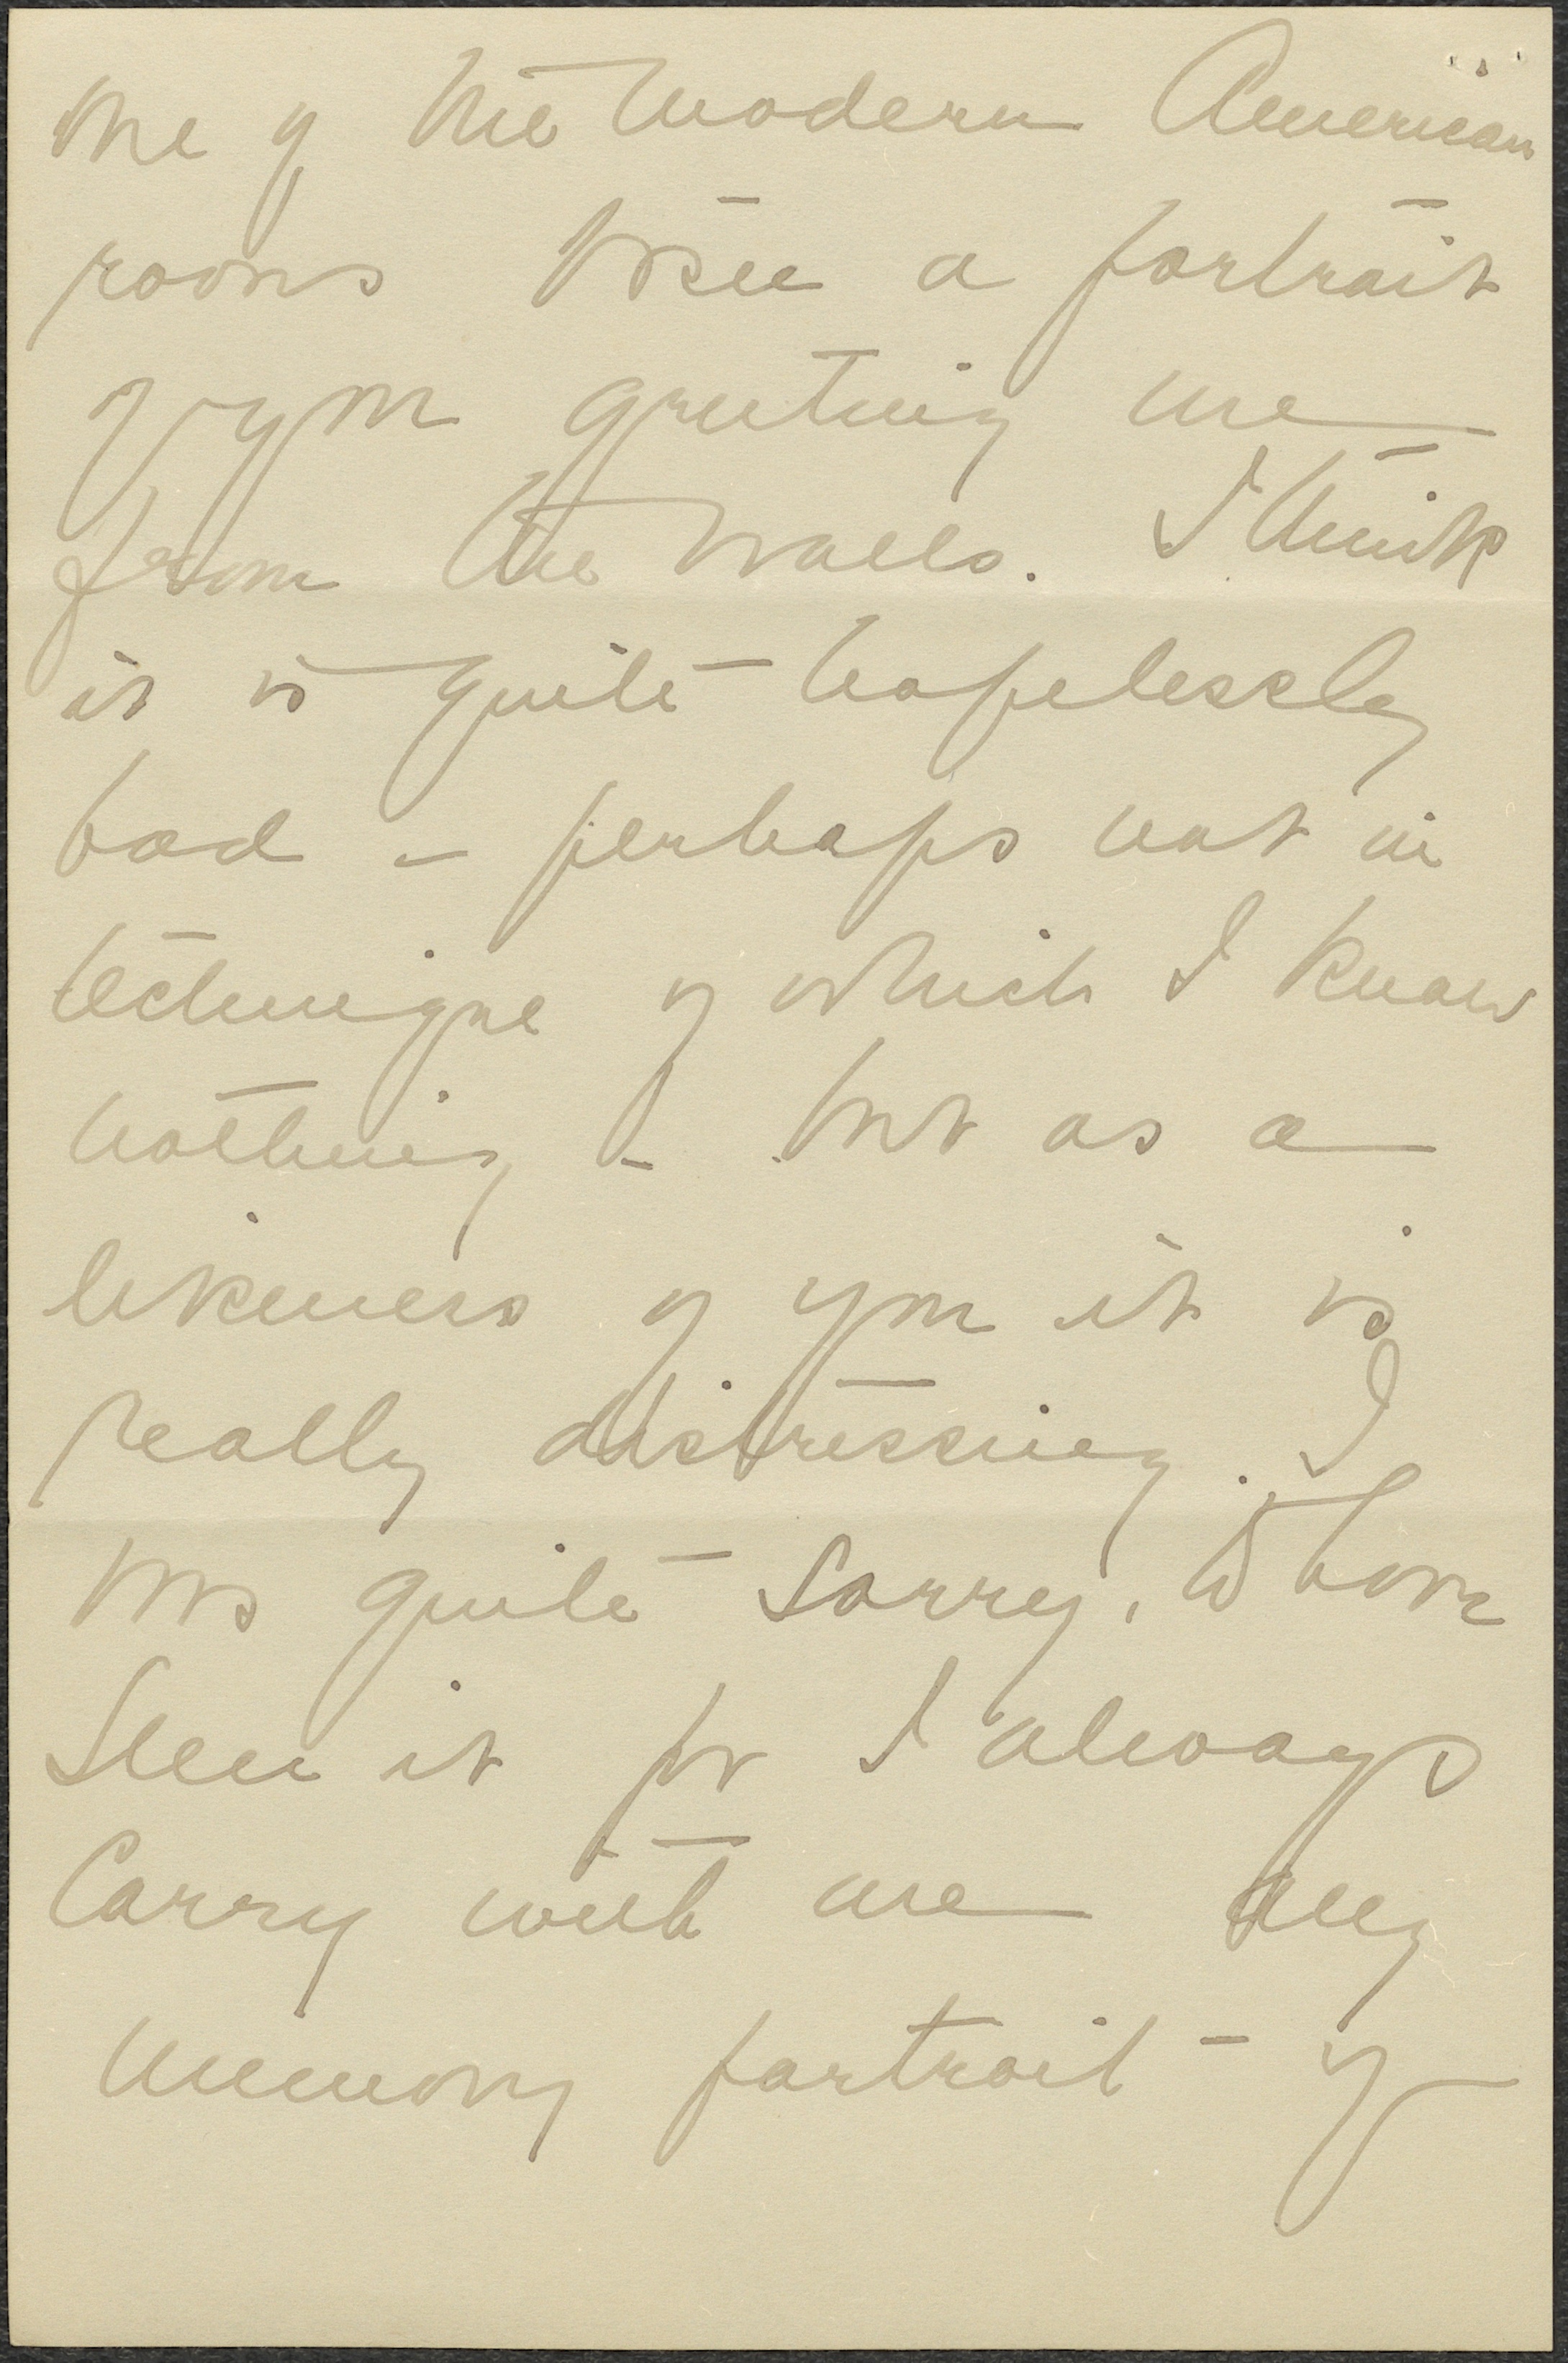one of the modern American rooms to see a portrait of you greeting me from the walls. I think it is quite hopelessly bad – perhaps not in technique of which I know nothing – but as a likeness of you it is really distressing. I was quite sorry, to have seen it for I always carry with me my memory portrait of